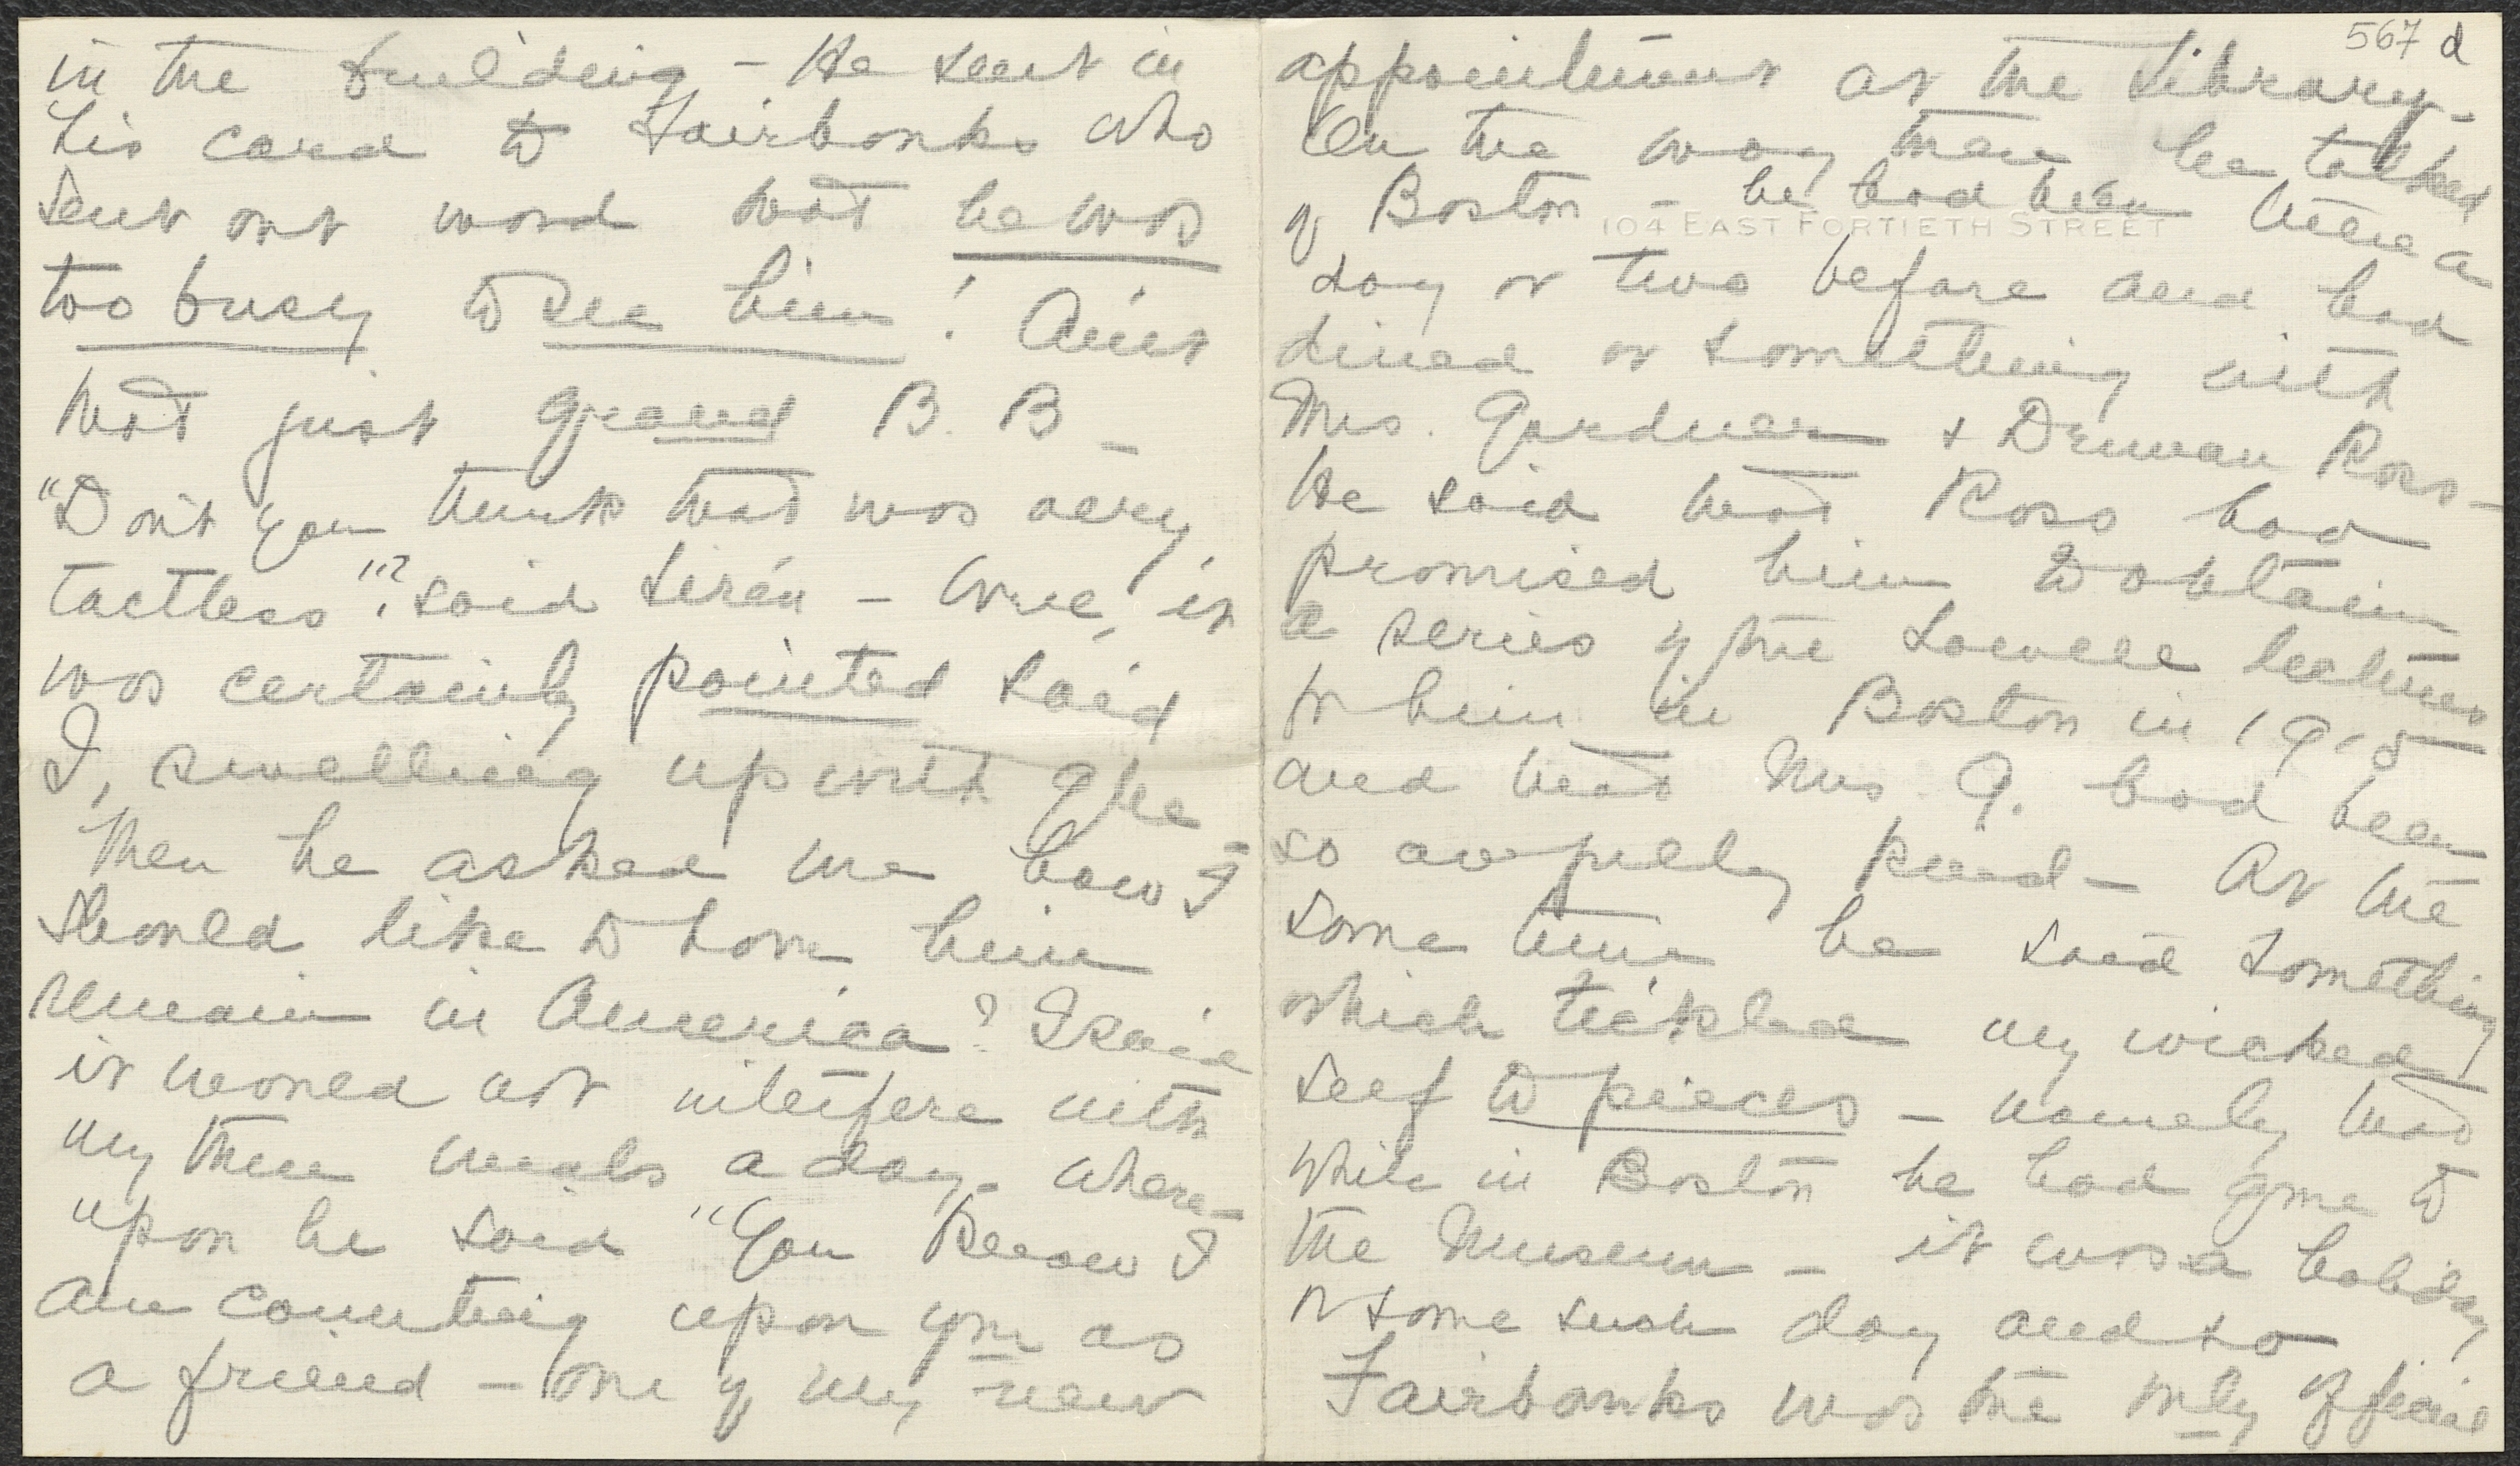appointment at the Library – On the way there he talked of Boston – he had been there a day or two before and had dined or something with Mrs. Gardner & Denman Ross –
He said that Ross had promised him to obtain a series of the Lowell lectures for him in Boston in 1915 and that Mrs. G. had been so awfully kind – At the same time he said something which tickled my wicked self to pieces – namely that while in Boston he had gone to the Museum – it was a holiday or some such day and so Fairbanks was the only official
in the building – He sent in his card to Fairbanks who sent out word that he was too busy to see him! Ain’t that just grand B.B – “Don’t you think that was very tactless”? said Sirén – well, it was certainly pointed said I, swelling up with glee – then he asked me how I should like to have him remain in America? I said it would not interfere with my three meals a day – whereupon he said “You know I am counting upon you as a friend – one of my new